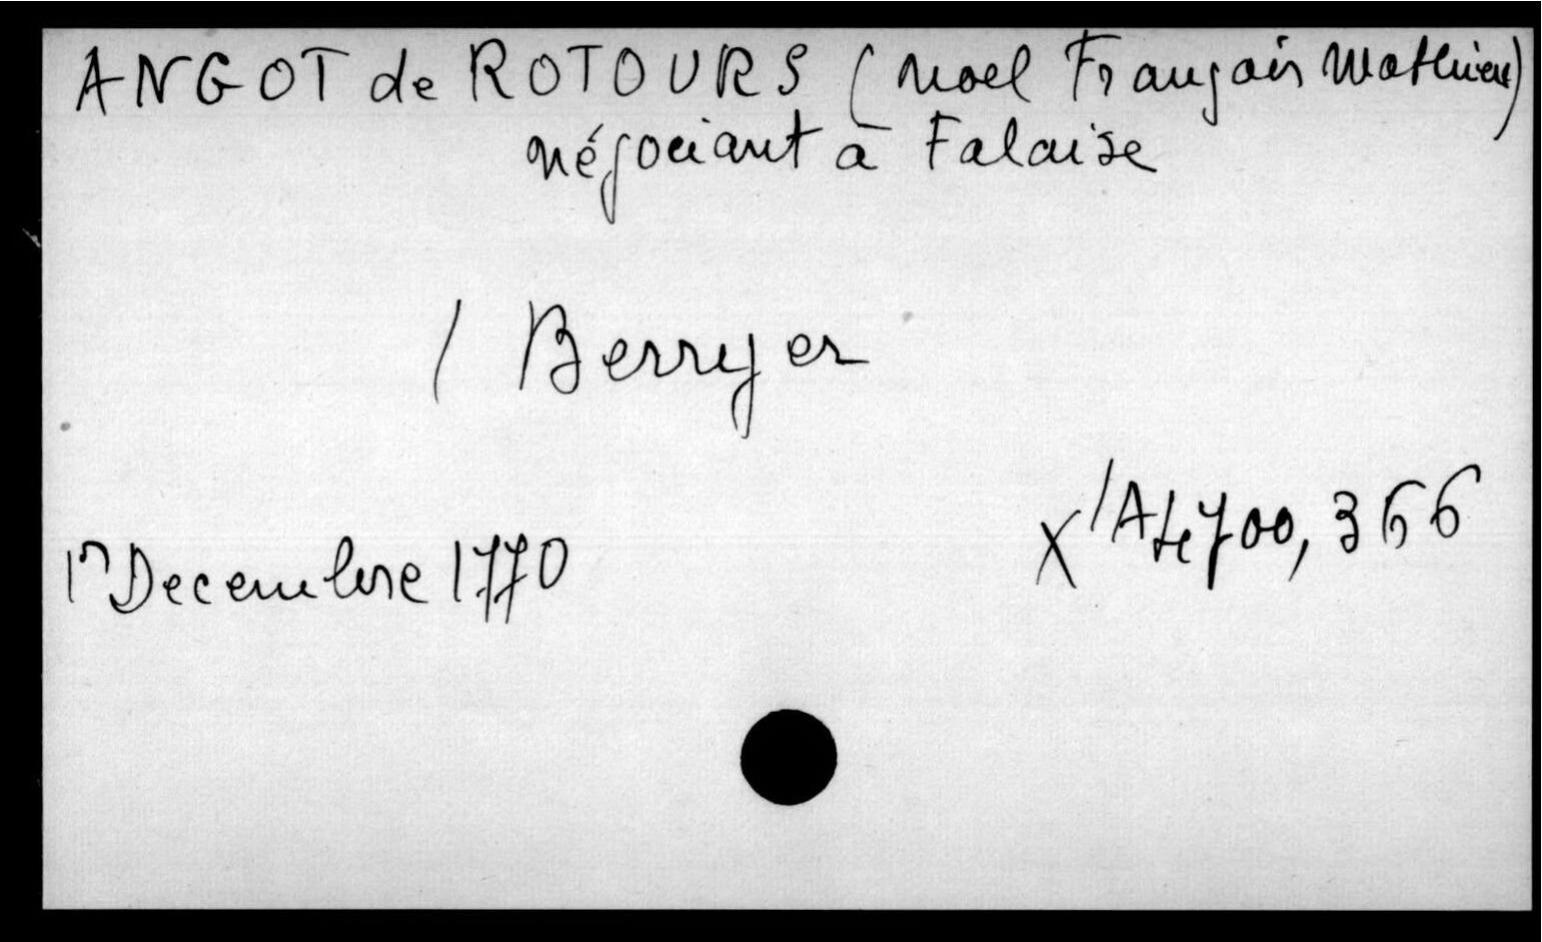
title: ANGOT de ROTOURS (Noëll François Mathieu) négociant à Falaise
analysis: Contre Berryer
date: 12 décembre 1770
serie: X1A
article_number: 4700
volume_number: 366
